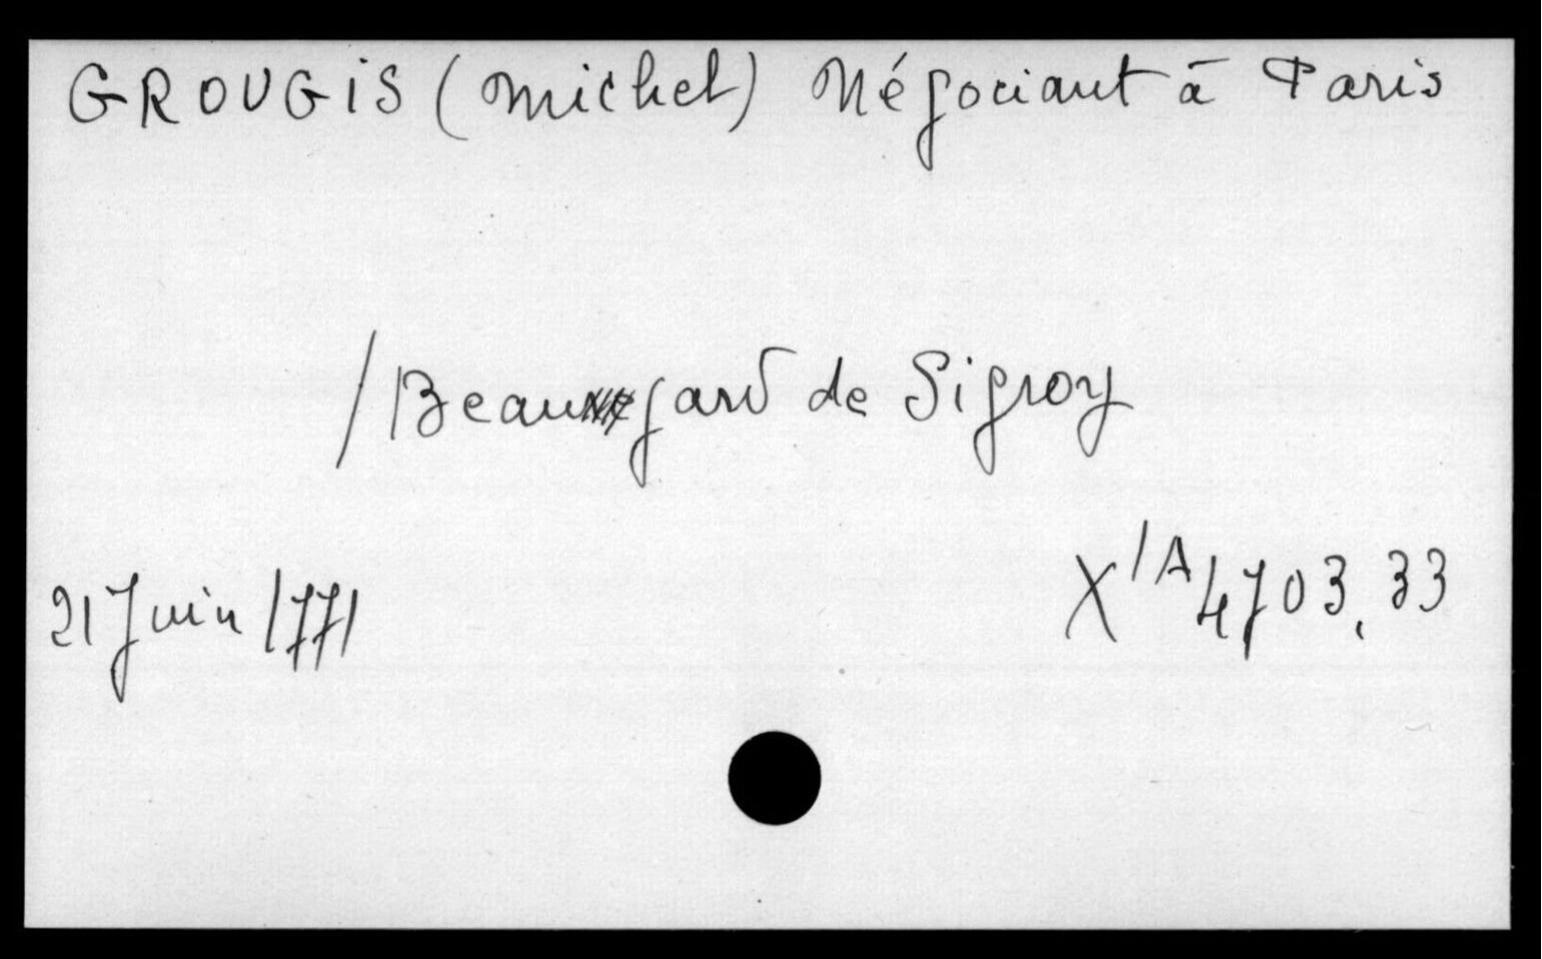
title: GROUGIS (Michel), négociant à Paris
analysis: Contre Beaugard de Sigroy
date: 21 juin 1771
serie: X1A
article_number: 4703
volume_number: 33
